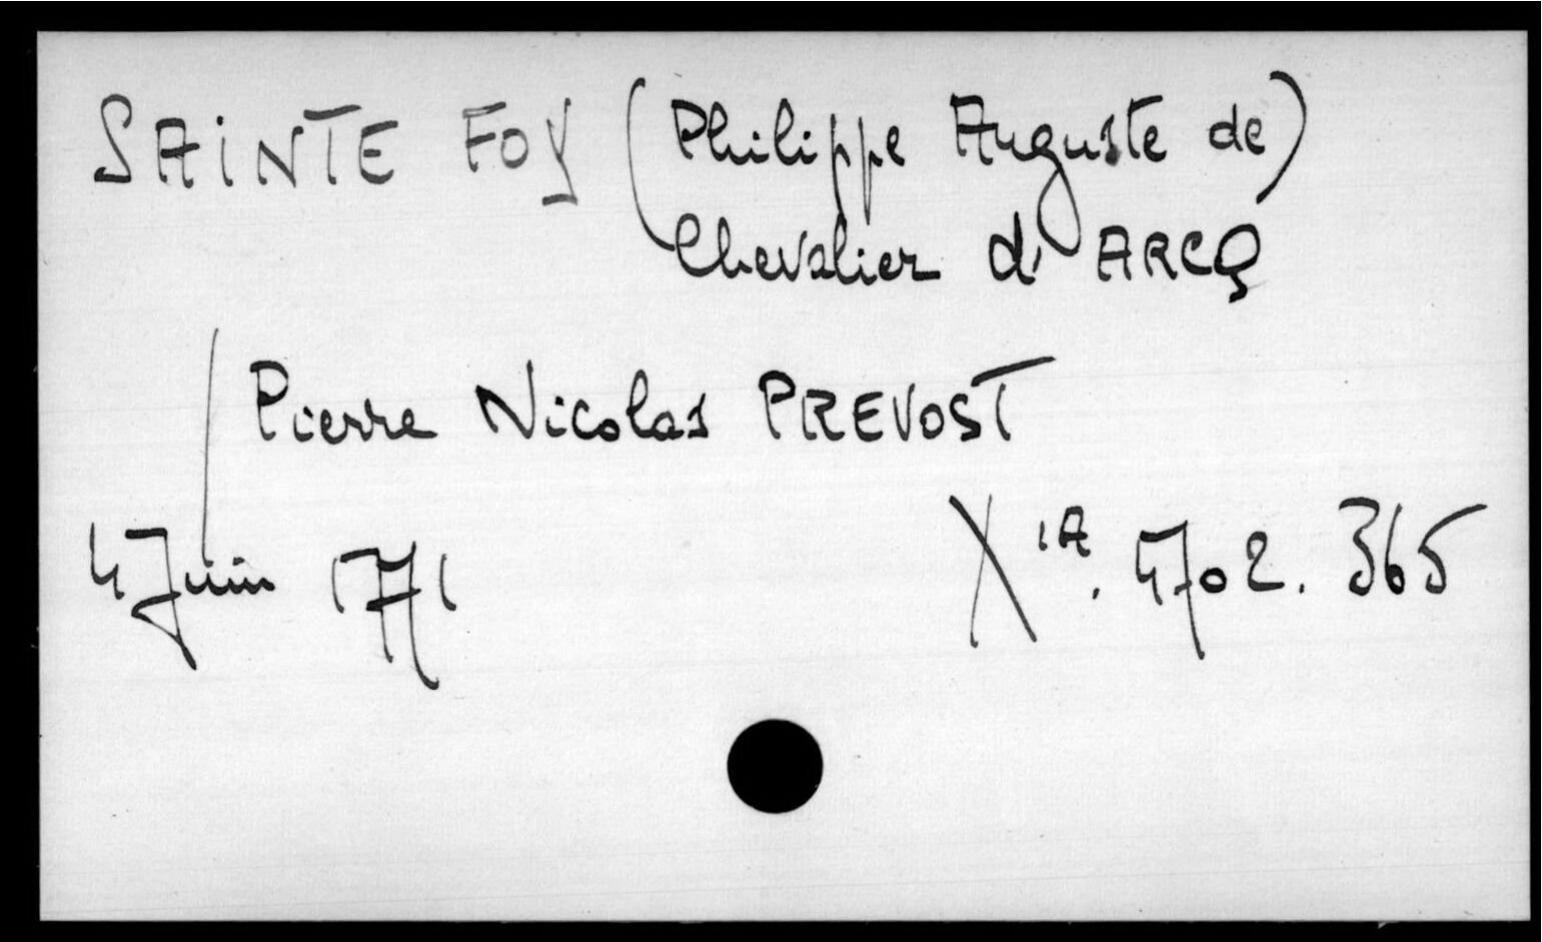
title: SAINTE FOY (Philippe Auguste de) Chevalier d'ARCQ
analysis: Contre Pierre Nicolas PREVOST
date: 4 juin 1771
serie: X1A
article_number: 4702
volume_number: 365
